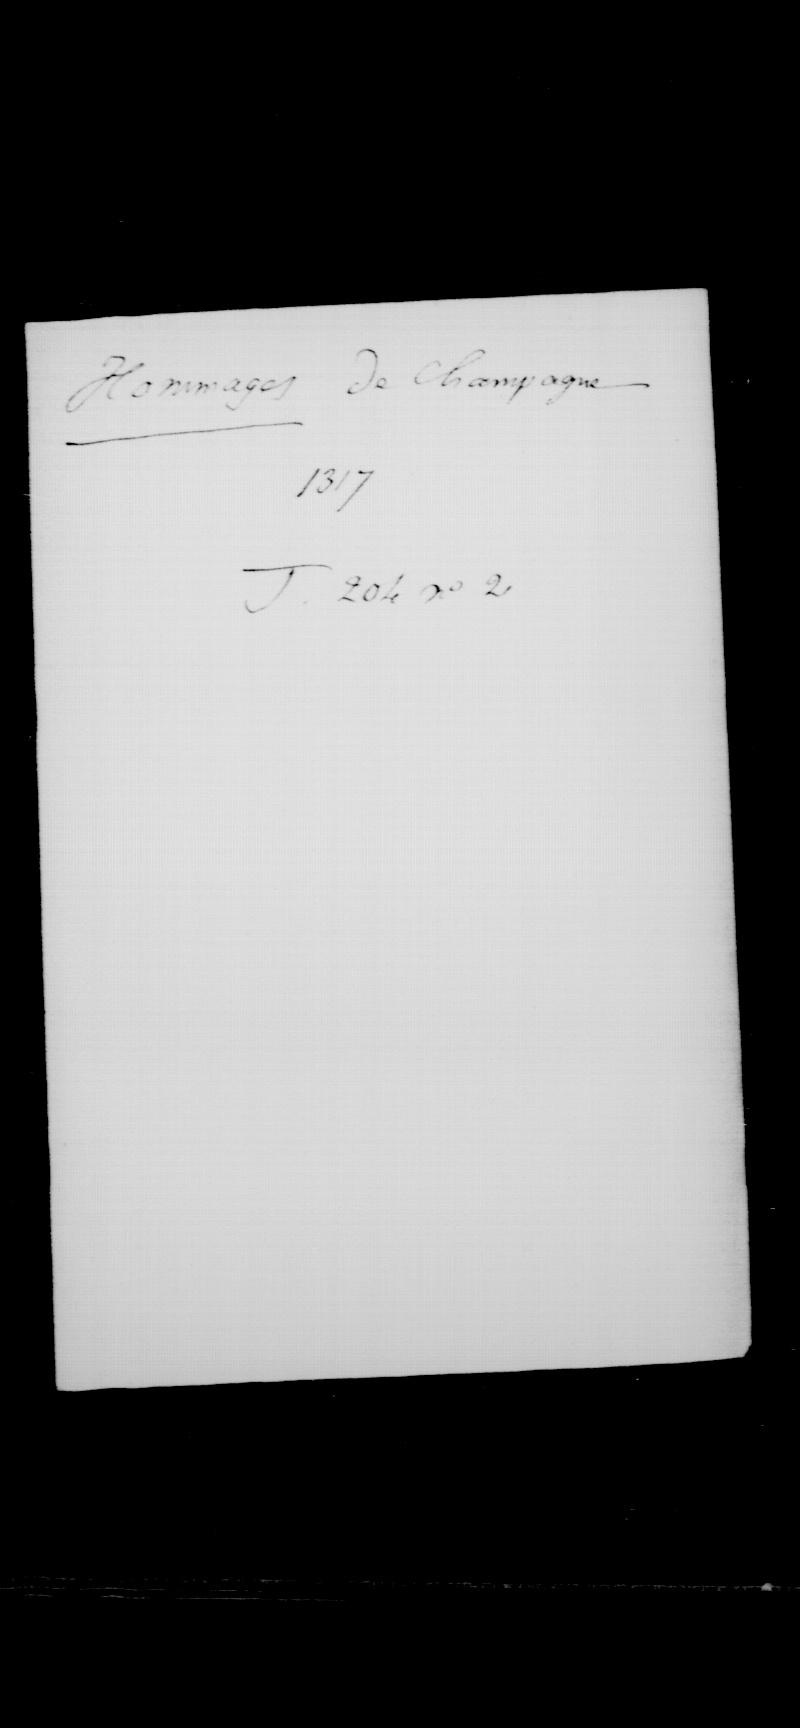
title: Hommages de Champagne
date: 1317
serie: J
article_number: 204
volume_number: n° 2
